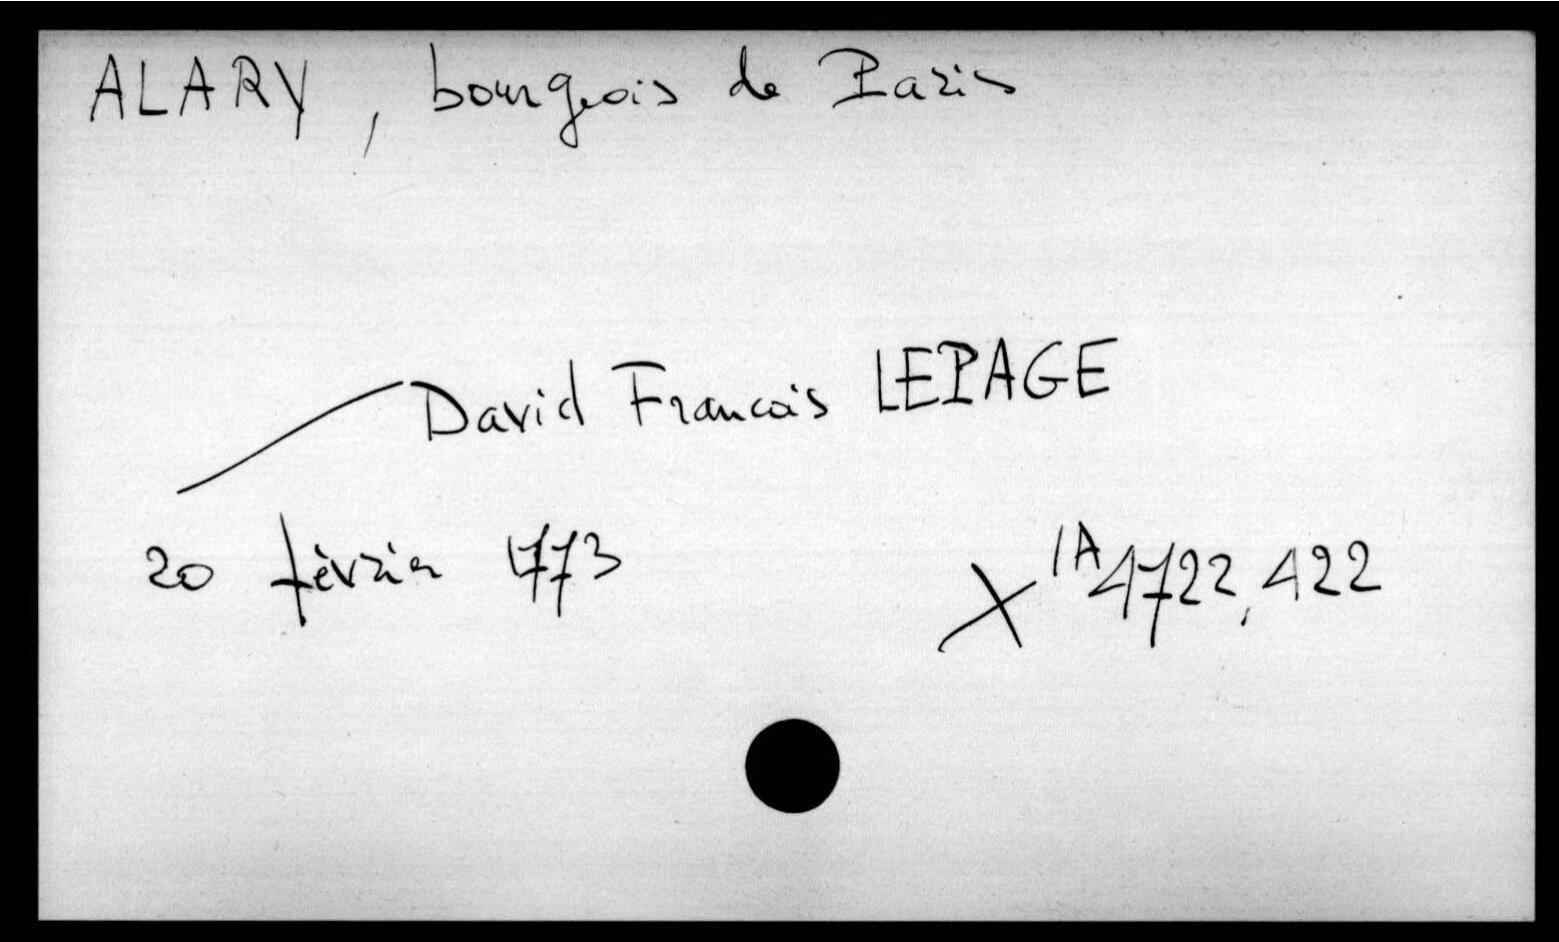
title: ALARY, bourgeois de Paris
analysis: Contre David François LEPAGE
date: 20 février 1773
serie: X1A
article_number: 4722
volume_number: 422
